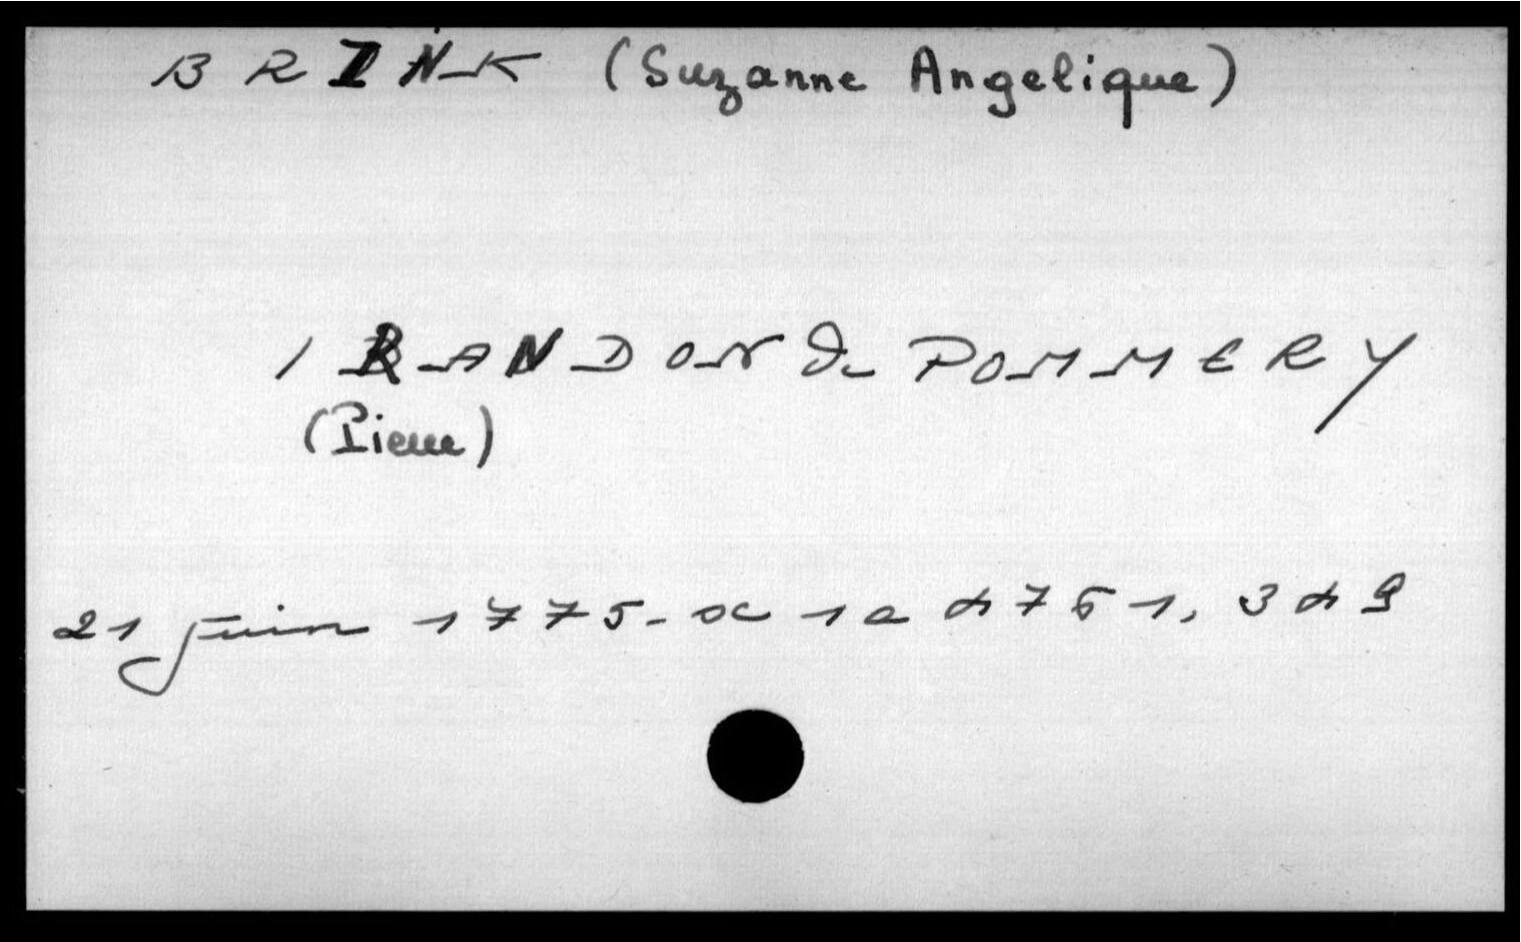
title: BRINK (Suzanne Angélique)
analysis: contre Bandon de Pommery (Pierre)
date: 21 juin 1775
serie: X1A
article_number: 4761
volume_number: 349
